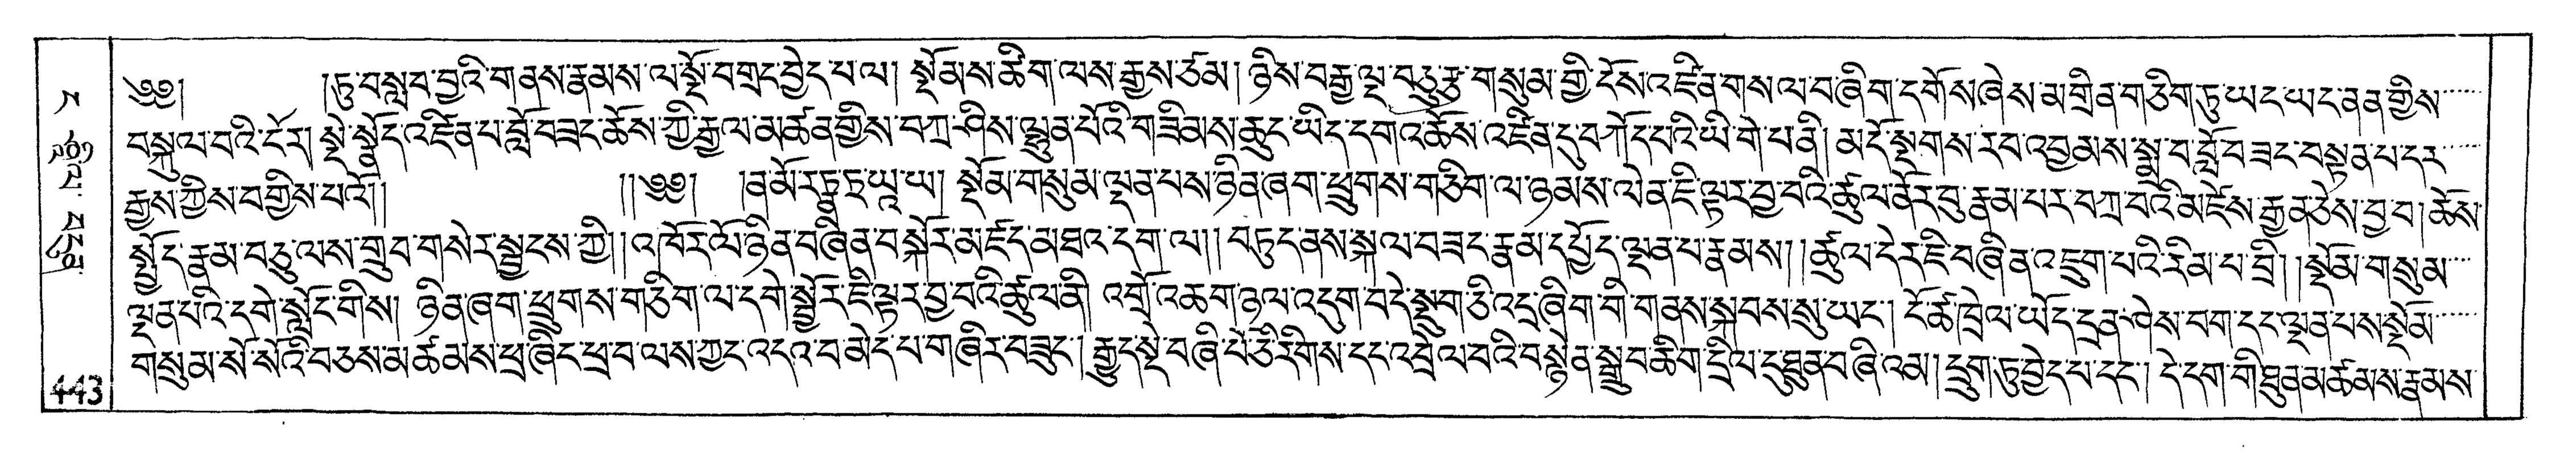༄༅། །ཏུ་བསླབ་བྱའི་གནས་རྣམས་ལ་སྔོ་བགྲང་བྱེད་པ་ལ། སྡོམས་ཚིག་ལས་རྒྱས་ཙམ། ཉིས་བརྒྱ་ལྔ་བཅུ་རྩ་གསུམ་གྱི་ངོས་འཛིན་གསལ་བ་ཞིག་དགོས་ཞེས་མགྲིན་གཅིག་ཏུ་ཡང་ཡང་ནན་གྱིས་
བསྐུལ་བའི་ངོར། སྡེ་སྣོད་འཛིན་པ་བློ་བཟང་ཆོས་ཀྱི་རྒྱལ་མཚན་གྱིས་བཀྲ་ཤིས་ལྷུན་པོའི་གཟིམས་ཆུང་ཡིད་དགའ་ཆོས་འཛིན་དུ་བཀོད་པའི་ཡི་གེ་པ་ནི། མདོ་སྔགས་རབ་འབྱམས་སྨྲ་བ་བློ་བཟང་བསྟན་པ་དར་
རྒྱས་ཀྱིས་བགྱིས་པའོ།། །།༄༅་། །ན་མོ་རཏྣ་ཏྲ་ཡཱ་ཡ། སྡོམ་གསུམ་ལྡན་པས་ཉིན་ཞག་ཕྲུགས་གཅིག་ལ་ཉམས་ལེན་ཇི་ལྟར་བྱ་བའི་ཚུལ་ནོར་བུ་རྣམ་པར་བཀྲ་བའི་མཛེས་རྒྱན་ཅེས་བྱ་བ། ཆོས་
སྤྱོད་རྣམ་བཅུ་ལས་གྲུབ་གསེར་སྦྱངས་ཀྱི། །འཁོར་ལོ་ཉིན་བཞིན་བསྐོར་མཛད་མཐའ་དག་ལ། །བཏུད་ནས་སྐལ་བཟང་རྣམ་དཔྱོད་ལྡན་པ་རྣམས། །ཚུལ་དེར་ཇི་བཞིན་འཇུག་པའི་རིམ་པ་བྲི། །སྡོམ་གསུམ་
ལྡན་པའི་དགེ་སློང་གིས། ཉིན་ཞག་ཕྲུགས་གཅིག་ལ་དགེ་སྦྱོར་ཇི་ལྟར་བྱ་བའི་ཚུལ་ནི། འགྲོ་འཆག་ཉལ་འདུག་བདེ་སྡུག་ཅི་འདྲ་ཞིག་གི་གནས་སྐབས་སུ་ཡང་། ངོ་ཚ་ཁྲེལ་ཡོད་དྲན་ཤེས་བག་དང་ལྡན་པས་སྡོམ་
གསུམ་སོ་སོའི་བཅས་མཚམས་ཕྲ་ཞིང་ཕྲ་བ་ལས་ཀྱང་འདའ་བ་མེད་པ་གཞིར་བཟུང་། རྒྱུད་སྡེ་བཞི་པོ་ཅི་རིགས་དང་འབྲེལ་བའི་བསྙེན་སྒྲུབ་ཆིག་དྲིལ་དུ་ཐུན་བཞི་འམ། དྲུག་ཏུ་བྱེད་པ་དང་། དེ་དག་གི་ཐུན་མཚམས་རྣམས་